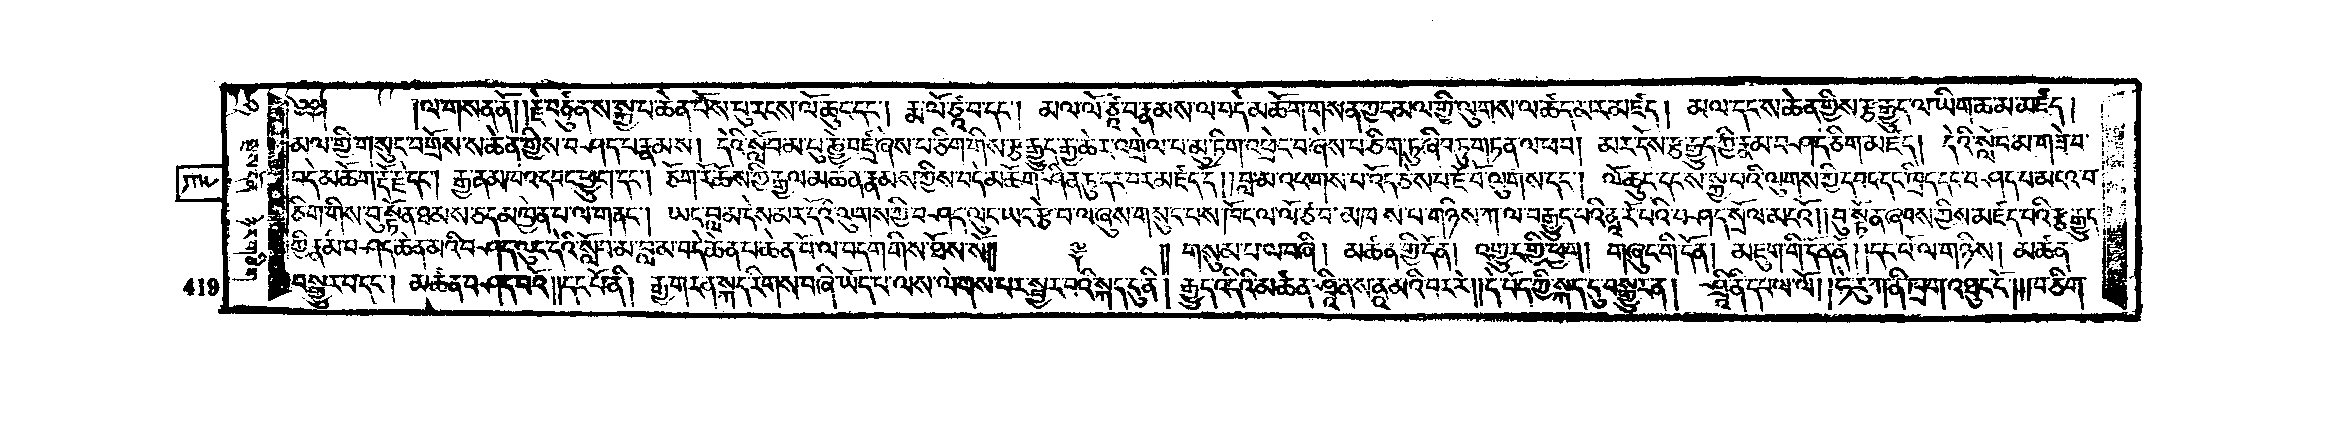༄༅། །ལ་གསན་ནོ། །རྗེ་བཙུན་ས་སྐྱ་པ་ཆེན་པོས་པུ་རངས་ལོ་ཆུང་དང་། རྨ་ལོ་ཙཱ་བ་དང་། མལ་ལོ་ཙཱ་བ་རྣམས་ལ་བདེ་མཆོག་གསན་ཀྱང་མལ་གྱི་ལུགས་ལ་ཚད་མར་མཛད། མལ་དང་ས་ཆེན་གྱིས་རྩ་རྒྱུད་ལ་ཡིག་ཆ་མ་མཛད།
མལ་གྱི་གསུང་བགྲོས་ས་ཆེན་གྱིས་བཤད་པ་རྣམས། དེའི་སློབ་མ་པུ་ཎྱེ་བཛྲ་ཞེས་པ་ཅིག་གིས་རྩ་རྒྱུད་རྒྱ་ཆེར་འགྲེལ་པ་མུ་ཏིག་འཕྲེང་བ་ཞེས་པ་ཅིག་ཏུ་ཞིབ་ཏུ་གཏན་ལ་ཕབ། མར་དོས་རྩ་རྒྱུད་ཀྱི་རྣམ་བཤད་ཅིག་མཛད། དེའི་སློབ་མ་གཟེ་བ་
བདེ་མཆོག་རྡོ་རྗེ་དང་། རྒྱ་ནམ་མཁའ་དབང་ཕྱུག་དང་། ཅོག་རོ་ཆོས་ཀྱི་རྒྱལ་མཚན་རྣམས་ཀྱིས་བདེ་མཆོག་ཤིན་ཏུ་དར་བར་མཛད་དོ། །བླ་མ་འཕགས་པ་འོད་ཅེས་པ་ཇོ་བོ་ལུགས་དང་། ལོ་ཆུང་དང་ས་སྐྱ་བའི་ལུགས་ཀྱི་དབང་དང་ཁྲིད་དང་བཤད་པ་མངའ་བ་
ཅིག་གིས་བུ་སྟོན་ཐམས་ཅད་མཁྱེན་པ་ལ་གནང་། ཡང་བླ་མ་དེས་མར་དོའི་ལུགས་ཀྱི་བཤད་ལུང་ཡང་རྩེ་བ་ལ་ཞུས་གསུང་པས་ཁོང་ལ་ལོ་ཙ་བ་མཁས་པ་གཉིས་ཀ་ལ་བརྒྱུད་པའི་ནཱ་རོ་པའི་བཤད་སྲོལ་མངའོ། །བུ་སྟོན་ཞབས་ཀྱིས་མཛད་པའི་རྩ་རྒྱུད་
ཀྱི་རྣམ་བཤད་ཆེན་མའི་བཤད་ལུང་དེའི་སློབ་མ་བླ་མ་བདེ་ཆེན་པ་ཆེན་པོ་ལ་བདག་གིས་ཐོས་སོ།། ༈ །།གསུམ་པ་ལ་བཞི། མཚན་གྱི་དོན། འགྱུར་གྱི་ཕྱག །གཞུང་གི་དོན། མཇུག་གི་དོན་ནོ། །དང་པོ་ལ་གཉིས། མཚན་
བསྒྱུར་བ་དང་། མཚན་བཤད་པའོ། །དང་པོ་ནི། རྒྱ་གར་ན་སྐད་རིགས་བཞི་ཡོད་པ་ལས་ལེགས་པར་སྦྱར་བའི་སྐད་དུ་ནི། རྒྱུད་འདིའི་མཚན་ཤྲཱི་ནས་ནཱ་མའི་བར་རོ། །དེ་བོད་ཀྱི་སྐད་དུ་བསྒྱུར་ན། ཤྲཱི་ནི་དཔལ་ལོ། །ཧེ་རུ་ཀ་ནི་ཁྲག་འཐུང་ངོ། །ཁ་ཅིག་